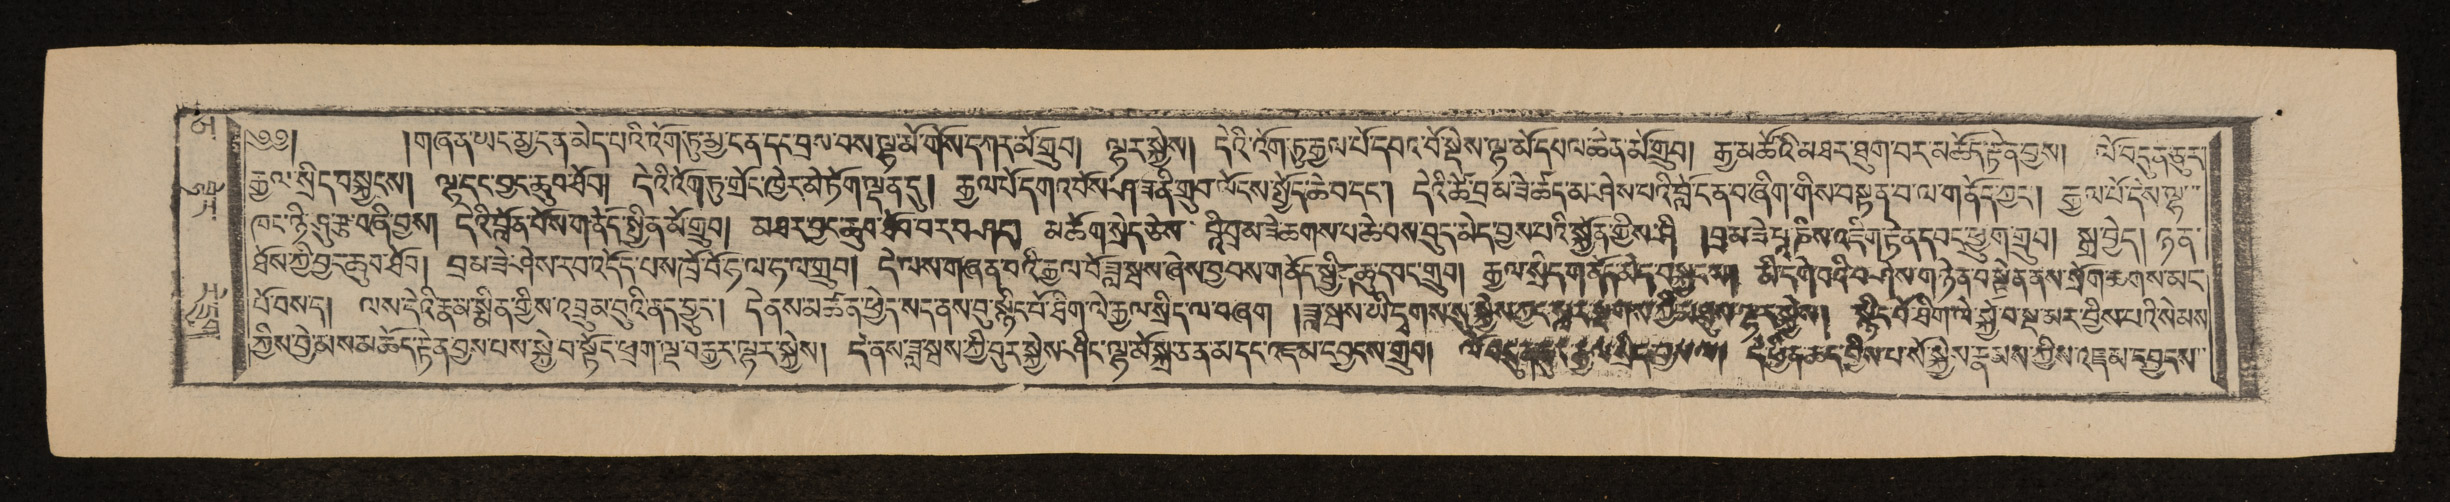༄༅། །གཞན་ཡང་མྱ་ངན་མེད་པའི་འོག་ཏུ་མྱ་ངན་དང་བྲལ་བས་ལྷ་མོ་གོས་དཀར་མོ་གྲུབ། ལྷར་སྐྱེས། དེའི་འོག་ཏུ་རྒྱལ་པོ་དཔའ་བོ་སྡེས་ལྷ་མོ་དཔལ་ཆེན་མོ་གྲུབ། རྒྱ་མཚོའི་མཐར་ཐུག་པར་མཆོད་རྟེན་བྱས། ལོ་བདུན་ཅུར་
རྒྱལ་སྲིད་བསྐྱངས། ལྷ་དང་བྱང་ཆུབ་ཐོབ། དེའི་འོག་ཏུ་གྲོང་ཁྱེར་མེ་ཏོག་ལྡན་དུ། རྒྱལ་པོ་དགའ་བོས་ཤ་ཟ་ནི་གྲུབ་ལོངས་སྤྱོད་ཆེ་བ་དང་། དེའི་ཚེ་བྲམ་ཟེ་ཚད་མ་ཤེས་པའི་བློ་ངན་བ་ཞིག་གིས་བསྟན་པ་ལ་གནོད་ཀྱང་། རྒྱལ་པོ་དེས་ལྷ་
ཁང་ཉི་ཤུ་རྩ་བཞི་བྱས། དེའི་བློན་པོས་གནོད་སྦྱིན་མོ་གྲུབ། མཐང་བྱང་ཆུབ་ཐོབ་པར་བཤད། མཆོག་སྲེད་ཅེས་པའི་བྲམ་ཟེ་ཆགས་པ་ཆེ་བས་བུད་མེད་བྱས་པའི་སྐྱོན་གྱིས་ཤི་།བྲམ་ཟེ་པཱ་ཎིས་འཇིག་རྟེན་དབང་ཕྱུག་གྲུབ། སྒྲ་བྱེད། ཉན་
ཐོས་ཀྱི་བྱང་ཆུབ་ཐོབ། བྲམ་ཟེ་ཤེས་རབ་འདོད་པས་ཁྲོ་བོ་ཧ་ལ་ཧ་ལ་གྲུབ། དེ་ལས་གཞན་པའི་རྒྱལ་པོ་ཟླ་སྦས་ཞེས་བྱ་བས་གནོད་སྦྱིན་ཆུ་དབང་གྲུབ། རྒྱལ་སྲིད་གནོད་མེད་བསྐྱངས། མི་དགེ་བའི་བཤེས་གཉེན་བསྟེན་ནས་སྲོག་ཆགས་མང་
པོ་བསད། ལས་དེའི་རྣམ་སྨིན་གྱིས་འབྲུམ་བུའི་ནད་བྱུང་། དེ་ནས་མཚན་ཕྱེད་སད་ནས་བུ་སྙིང་པོ་ཐིག་ལེ་རྒྱལ་སྲིད་ལ་བཞག །ཟླ་སྦས་ཡི་དྭགས་སུ་སྐྱེས་ཀྱང་སླར་སྔགས་ཀྱི་མཐུས་ལྷར་སྐྱེས། སྙིང་པོ་ཐིག་ལེ་སྐྱེ་བ་སྔ་མར་བྱིས་པའི་སེམས་
ཀྱིས་བྱེ་མས་མཆོད་རྟེན་བྱས་པས་སྐྱེ་བ་སྟོང་ཕྲག་ལྔ་བརྒྱར་ལྟར་སྐྱེས། དེ་ནས་ཟླ་སྦས་ཀྱི་བྲར་སྐྱེས་ཤིང་ལྟ་མོ་སྐྲ་ཅན་མ་དང་འཇམ་དབྱངས་གྲུབ། ལོ་བདུན་ཅུར་རྒྱལ་སྲིད་བྱས་ལ། དེ་ཕྱིན་ཆད་བྱིས་པ་སོ་སྐྱེས་རྣམས་ཀྱིས་འཇམ་དབྱངས་